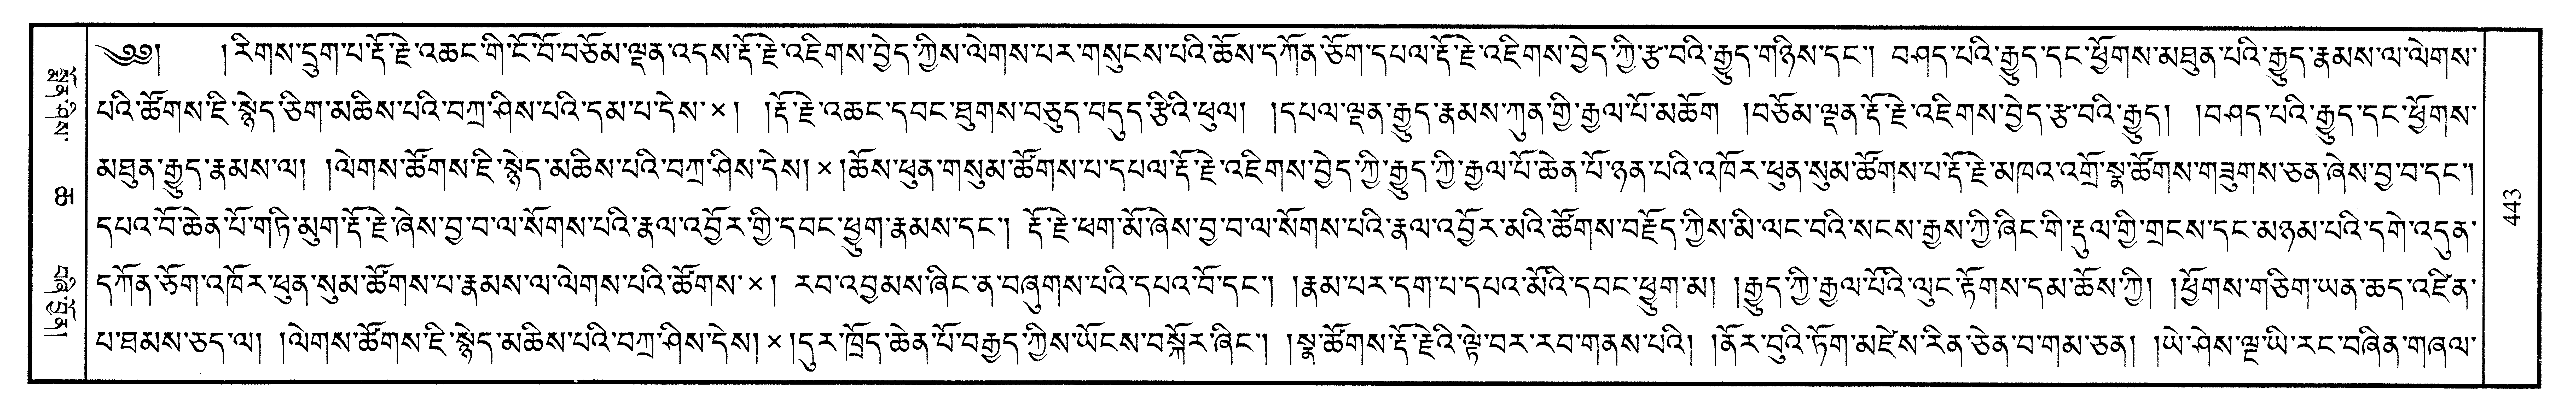༄༅། །རིགས་དྲུག་པ་རྡོ་རྗེ་འཆང་གི་ངོ་བོ་བཅོམ་ལྡན་འདས་རྡོ་རྗེ་འཇིགས་བྱེད་ཀྱིས་ལེགས་པར་གསུངས་པའི་ཆོས་དཀོན་ཅོག་དཔལ་རྡོ་རྗེ་འཇིགས་བྱེད་ཀྱི་རྩ་བའི་རྒྱུད་གཉིས་དང་། བཤད་པའི་རྒྱུད་དང་ཕྱོགས་མཐུན་པའི་རྒྱུད་རྣམས་ལ་ལེགས་
པའི་ཚོགས་ཇི་སྙེད་ཅིག་མཆིས་པའི་བཀྲ་ཤིས་པའི་དམ་པ་དེས་྾། །རྡོ་རྗེ་འཆང་དབང་ཐུགས་བཅུད་བདུད་རྩིའི་ཕུལ། །དཔལ་ལྡན་རྒྱུད་རྣམས་ཀུན་གྱི་རྒྱལ་པོ་མཆོག །བཅོམ་ལྡན་རྡོ་རྗེ་འཇིགས་བྱེད་རྩ་བའི་རྒྱུད། །བཤད་པའི་རྒྱུད་དང་ཕྱོགས་
མཐུན་རྒྱུད་རྣམས་ལ། །ལེགས་ཚོགས་ཇི་སྙེད་མཆིས་པའི་བཀྲ་ཤིས་དེས། ྾་།ཆོས་ཕུན་གསུམ་ཚོགས་པ་དཔལ་རྡོ་རྗེ་འཇིགས་བྱེད་ཀྱི་རྒྱུད་ཀྱི་རྒྱལ་པོ་ཆེན་པོ་ཉན་པའི་འཁོར་ཕུན་སུམ་ཚོགས་པ་རྡོ་རྗེ་མཁའ་འགྲོ་སྣ་ཚོགས་གཟུགས་ཅན་ཞེས་བྱ་བ་དང་།
དཔའ་བོ་ཆེན་པོ་གཏི་མུག་རྡོ་རྗེ་ཞེས་བྱ་བ་ལ་སོགས་པའི་རྣལ་འབྱོར་གྱི་དབང་ཕྱུག་རྣམས་དང་། །རྡོ་རྗེ་ཕག་མོ་ཞེས་བྱ་བ་ལ་སོགས་པའི་རྣལ་འབྱོར་མའི་ཚོགས་བརྗོད་ཀྱིས་མི་ལང་བའི་སངས་རྒྱས་ཀྱི་ཞིང་གི་རྡུལ་གྱི་གྲངས་དང་མཉམ་པའི་དགེ་འདུན་
དཀོན་ཅོག་འཁོར་ཕུན་སུམ་ཚོགས་པ་རྣམས་ལ་ལེགས་པའི་ཚོགས་྾། རབ་འབྱམས་ཞིང་ན་བཞུགས་པའི་དཔའ་བོ་དང་། །རྣམ་པར་དག་པ་དཔའ་མོའི་དབང་ཕྱུག་མ། །རྒྱུད་ཀྱི་རྒྱལ་པོའི་ལུང་རྟོགས་དམ་ཆོས་ཀྱི། །ཕྱོགས་གཅིག་ཡན་ཆད་འཛིན་
པ་ཐམས་ཅད་ལ། །ལེགས་ཚོགས་ཇི་སྙེད་མཆིས་པའི་བཀྲ་ཤིས་དེས། ྾་།དུར་ཁྲོད་ཆེན་པོ་བརྒྱད་ཀྱིས་ཡོངས་བསྐོར་ཞིང་། །སྣ་ཚོགས་རྡོ་རྗེའི་ལྟེ་བར་རབ་གནས་པའི། །ནོར་བུའི་ཏོག་མཛེས་རིན་ཅེན་བ་གམ་ཅན། །ཡེ་ཤེས་ལྔ་ཡི་རང་བཞིན་གཞལ་